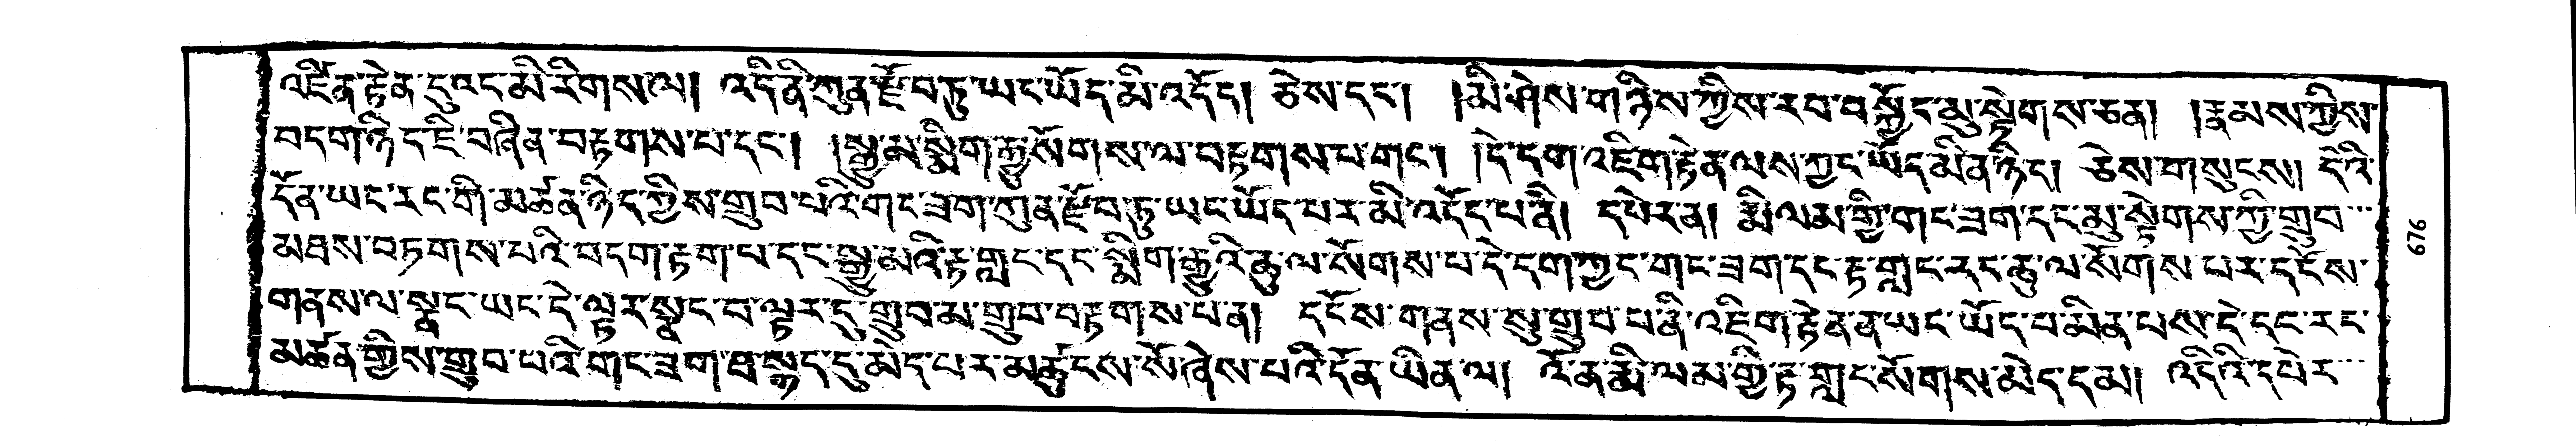འཛིན་རྟེན་དུའང་མི་རིགས་ལ། འདི་ནི་ཀུན་རྫོབ་ཏུ་ཡང་ཡོད་མི་འདོད། ཅེས་དང་། །མི་ཤེས་གཉིས་ཀྱིས་རབ་བསྐྱོད་མུ་སྟེགས་ཅན། །རྣམས་ཀྱིས་
བདག་ཉིད་ཇི་བཞིན་བརྟགས་པ་དང་། །སྒྱུ་མ་སྨིག་རྒྱུ་སོགས་ལ་བརྟགས་པ་གང་། །དེ་དག་འཇིག་རྟེན་ལས་ཀྱང་ཡོད་མིན་ཉིད། ཅེས་གསུངས། དེའི་
དོན་ཡང་རང་གི་མཚན་ཉིད་ཀྱིས་གྲུབ་པའི་གང་ཟག་ཀུན་རྫོབ་ཏུ་ཡང་ཡོད་པར་མི་འདོད་པ་ནི། དཔེར་ན། རྨི་ལམ་གྱི་གང་ཟག་དང་མུ་སྟེགས་ཀྱི་གྲུབ་
མཐས་བཏགས་པའི་བདག་རྟག་པ་དང་སྒྱུ་མའི་རྟ་གླང་དང་སྨིག་རྒྱུའི་ཆུ་ལ་སོགས་པ་དེ་དག་ཀྱང་གང་ཟག་དང་རྟ་གླང་རང་ཆུ་ལ་སོགས་པར་དངོས་
གནས་ལ་སྣང་ཡང་དེ་ལྟར་སྣང་བ་ལྟར་དུ་གྲུབ་མ་གྲུབ་བརྟགས་པ་ན། དངོས་གནས་སུ་གྲུབ་པ་ནི་འཇིག་རྟེན་ན་ཡང་ཡོད་པ་མིན་པས་དེ་དང་རང་
མཚན་གྱིས་གྲུབ་པའི་གང་ཟག་ཐ་སྙད་དུ་མེད་པར་མཚུངས་སོ་ཞེས་པའི་དོན་ཡིན་ལ། འོ་ན་རྨི་ལམ་གྱི་རྟ་གླང་སོགས་མེད་དམ། འདིའི་དཔེར་